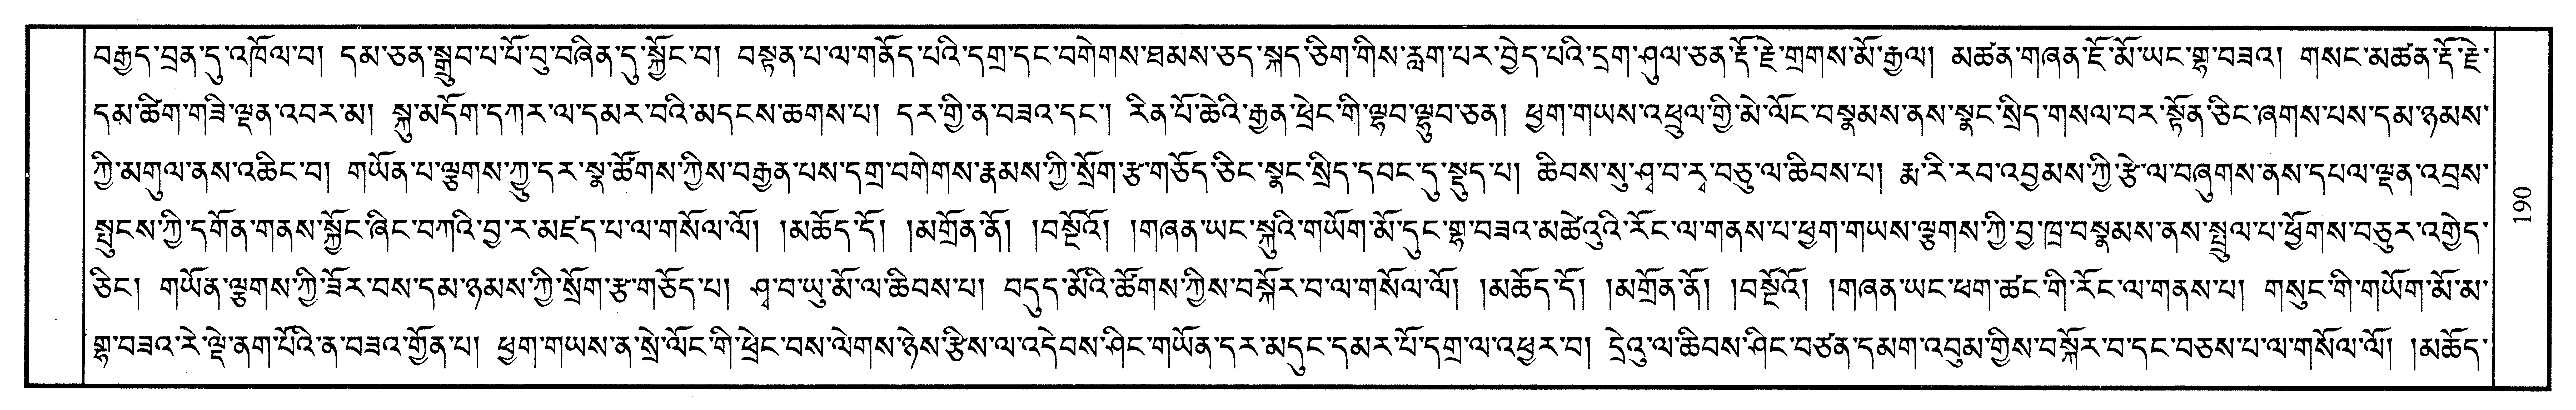བརྒྱད་བྲན་དུ་འཁོལ་བ། དམ་ཅན་སྒྲུབ་པ་པོ་བུ་བཞིན་དུ་སྐྱོང་བ། བསྟན་པ་ལ་གནོད་པའི་དགྲ་དང་བགེགས་ཐམས་ཅད་སྐད་ཅིག་གིས་རླག་པར་བྱེད་པའི་དྲག་ཤུལ་ཅན་རྡོ་རྗེ་གྲགས་མོ་རྒྱལ། མཚན་གཞན་ཇོ་མོ་ཡང་གྷ་བཟའ། གསང་མཚན་རྡོ་རྗེ་
དམ་ཚིག་གཟི་ལྡན་འབར་མ། སྐུ་མདོག་དཀར་ལ་དམར་བའི་མདངས་ཆགས་པ། དར་གྱི་ན་བཟའ་དང་། རིན་པོ་ཆེའི་རྒྱན་ཕྲེང་གི་ལྷབ་ལྷུབ་ཅན། ཕྱག་གཡས་འཕྲུལ་གྱི་མེ་ལོང་བསྣམས་ནས་སྣང་སྲིད་གསལ་བར་སྟོན་ཅིང་ཞགས་པས་དམ་ཉམས་
ཀྱི་མགུལ་ནས་འཆིང་བ། གཡོན་པ་ལྕགས་ཀྱུ་དར་སྣ་ཚོགས་ཀྱིས་བརྒྱན་པས་དགྲ་བགེགས་རྣམས་ཀྱི་སྲོག་རྩ་གཅོད་ཅིང་སྣང་སྲིད་དབང་དུ་སྡུད་པ། ཆིབས་སུ་ཤྭ་བ་རྭ་བཅུ་ལ་ཆིབས་པ། རྨ་རི་རབ་འབྱམས་ཀྱི་རྩེ་ལ་བཞུགས་ནས་དཔལ་ལྡན་འབྲས་
སྤུངས་ཀྱི་དགོན་གནས་སྐྱོང་ཞིང་བཀའི་བྱ་ར་མཛད་པ་ལ་གསོལ་ལོ། །མཆོད་དོ། །མགྲོན་ནོ། །བསྔོའོ། །གཞན་ཡང་སྐུའི་གཡོག་མོ་དུང་གྷ་བཟའ་མཚེའུའི་རོང་ལ་གནས་པ་ཕྱག་གཡས་ལྕགས་ཀྱི་བྱ་ཁྲ་བསྣམས་ནས་སྤྲུལ་པ་ཕྱོགས་བཅུར་འགྱེད་
ཅིང་། གཡོན་ལྕགས་ཀྱི་ཟོར་བས་དམ་ཉམས་ཀྱི་སྲོག་རྩ་གཅོད་པ། ཤྭ་བ་ཡུ་མོ་ལ་ཆིབས་པ། བདུད་མོའི་ཚོགས་ཀྱིས་བསྐོར་བ་ལ་གསོལ་ལོ། །མཆོད་དོ། །མགྲོན་ནོ། །བསྔོའོ། །གཞན་ཡང་ཕག་ཚང་གི་རོང་ལ་གནས་པ། གསུང་གི་གཡོག་མོ་མ་
གྷ་བཟའ་རེ་ལྡེ་ནག་པོའི་ན་བཟའ་གྱོན་པ། ཕྱག་གཡས་ན་སྲེ་ལོང་གི་ཕྲེང་བས་ལེགས་ཉེས་རྩིས་ལ་འདེབས་ཤིང་གཡོན་དར་མདུང་དམར་པོ་དགྲ་ལ་འཕྱར་བ། དྲེའུ་ལ་ཆིབས་ཤིང་བཙན་དམག་འབུམ་གྱིས་བསྐོར་བ་དང་བཅས་པ་ལ་གསོལ་ལོ། །མཆོད་